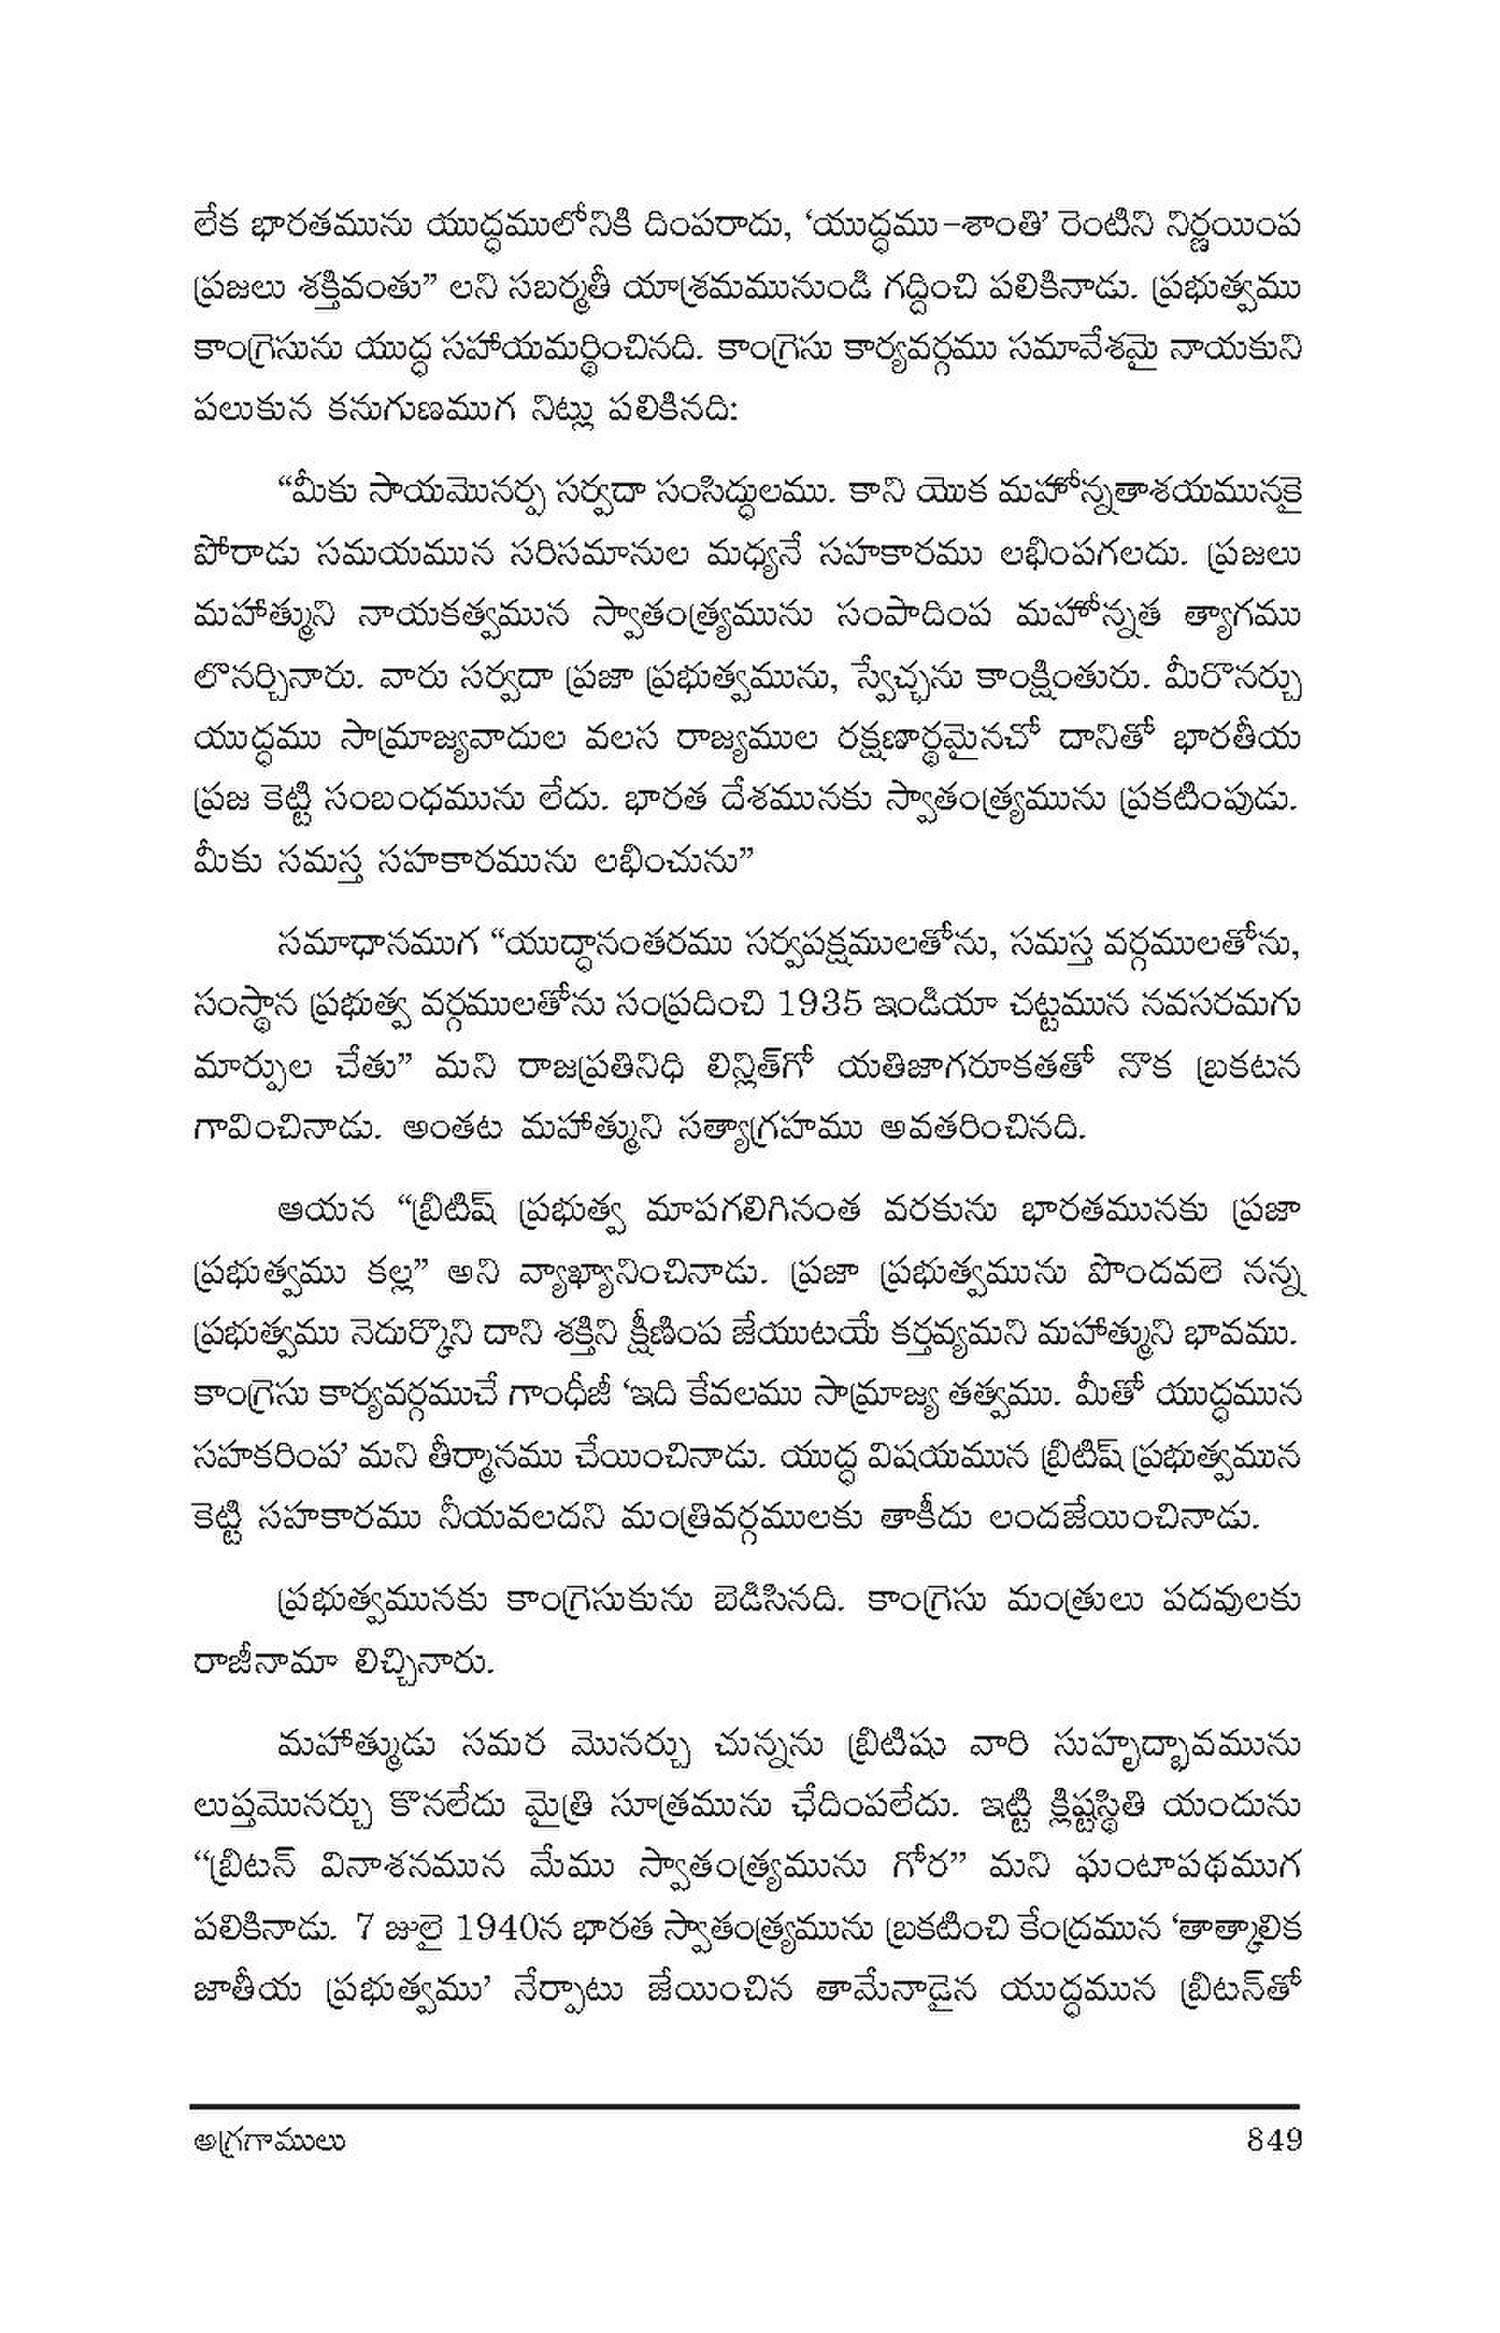లేక భారతమును యుద్ధములోనికి దింపరాదు, 'యుద్ధము-శాంతి' రెంటిని నిర్ణయింప ప్రజలు శక్తివంతు" అని సబర్మతీ యాశ్రమమునుండి గద్దించి పలికినాడు. ప్రభుత్వము కాంగ్రెసును యుద్ధ సహాయమర్ధించినది. కాంగ్రెసు కార్యవర్గము సమావేశమై నాయకుని పలుకున కనుగుణముగ నిట్లు పలికినది:

"మీకు సాయమొనర్ప సర్వదా సంసిద్దులము. కాని యొక మహోన్నతాశయమునకై పోరాడు సమయమున సరిసమానుల మధ్యనే సహకారము లభింపగలదు. ప్రజలు మహాత్ముని నాయకత్వమున స్వాతంత్ర్యమును సంపాదింప మహోన్నత త్యాగము లొనర్చినారు. వారు సర్వదా ప్రజా ప్రభుత్వమును, స్వేచ్ఛను కాంక్షింతురు. మీరొనర్చు యుద్ధము సామ్రాజ్యవాదులు వలస రాజ్యముల రక్షణార్థమైనచో దానితో భారతీయ ప్రజ కెట్టి సంబంధమును లేదు. భారత దేశమునకు స్వాతంత్య్రమును ప్రకటింపుడు. మీకు సమస్త సహకారమును లభించును”

సమాధానముగ “యుద్ధానంతరము సర్వపక్షములతోను, సమస్త వర్గములతోను, సంస్థాన ప్రభుత్వ వర్గములతోను సంప్రదించి 1935 ఇండియా చట్టమున నవసరమగు మార్పులు చేతు" మని రాజప్రతినిధి లిల్లితో యతిజాగరూకతతో నొక బ్రకటన గావించినాడు. అంతట మహాత్ముని సత్యాగ్రహము అవతరించినది.

ఆయన "బ్రిటిష్ ప్రభుత్వ మాపగలిగినంత వరకును భారతమునకు ప్రజాప్రభుత్వము కల్ల" అని వ్యాఖ్యానించినాడు. ప్రజా ప్రభుత్వమును పొందవలె నన్న ప్రభుత్వము నెదుర్కొని దాని శక్తిని క్షీణింప జేయుటయే కర్తవ్యమని మహాత్ముని భావము. కాంగ్రెసు కార్యవర్గముచే గాంధీజీ 'ఇది కేవలము సామ్రాజ్య తత్వము. మీతో యుద్ధమున సహకరింప' మని తీర్మానము చేయించినాడు. యుద్ధ విషయమున బ్రిటిష్ ప్రభుత్వమున కెట్టి సహకారము నీయవలదని మంత్రివర్గములకు తాకీదు లందజేయించినాడు.

ప్రభుత్వమునకు కాంగ్రెసుకును బెడిసినది. కాంగ్రెసు మంత్రులు పదవులకు రాజీనామా లిచ్చినారు.

మహాత్ముడు సమర మొనర్చు చున్నను బ్రిటిషు వారి సుహృద్భావమును లుప్తమొనర్చు కొనలేదు మైత్రి సూత్రమును ఛేదింపలేదు. ఇట్టి క్లిష్టస్థితి యందును "బ్రిటన్ వినాశనమున మేము స్వాతంత్ర్యమును గోర” మని ఘంటాపథముగ పలికినాడు. 7 జులై 1940న భారత స్వాతంత్య్రమును బ్రకటించి కేంద్రమున 'తాత్కాలిక జాతీయ ప్రభుత్వము' నేర్పాటు జేయించిన తామేనాడైన యుద్ధమున బ్రిటన్ తో